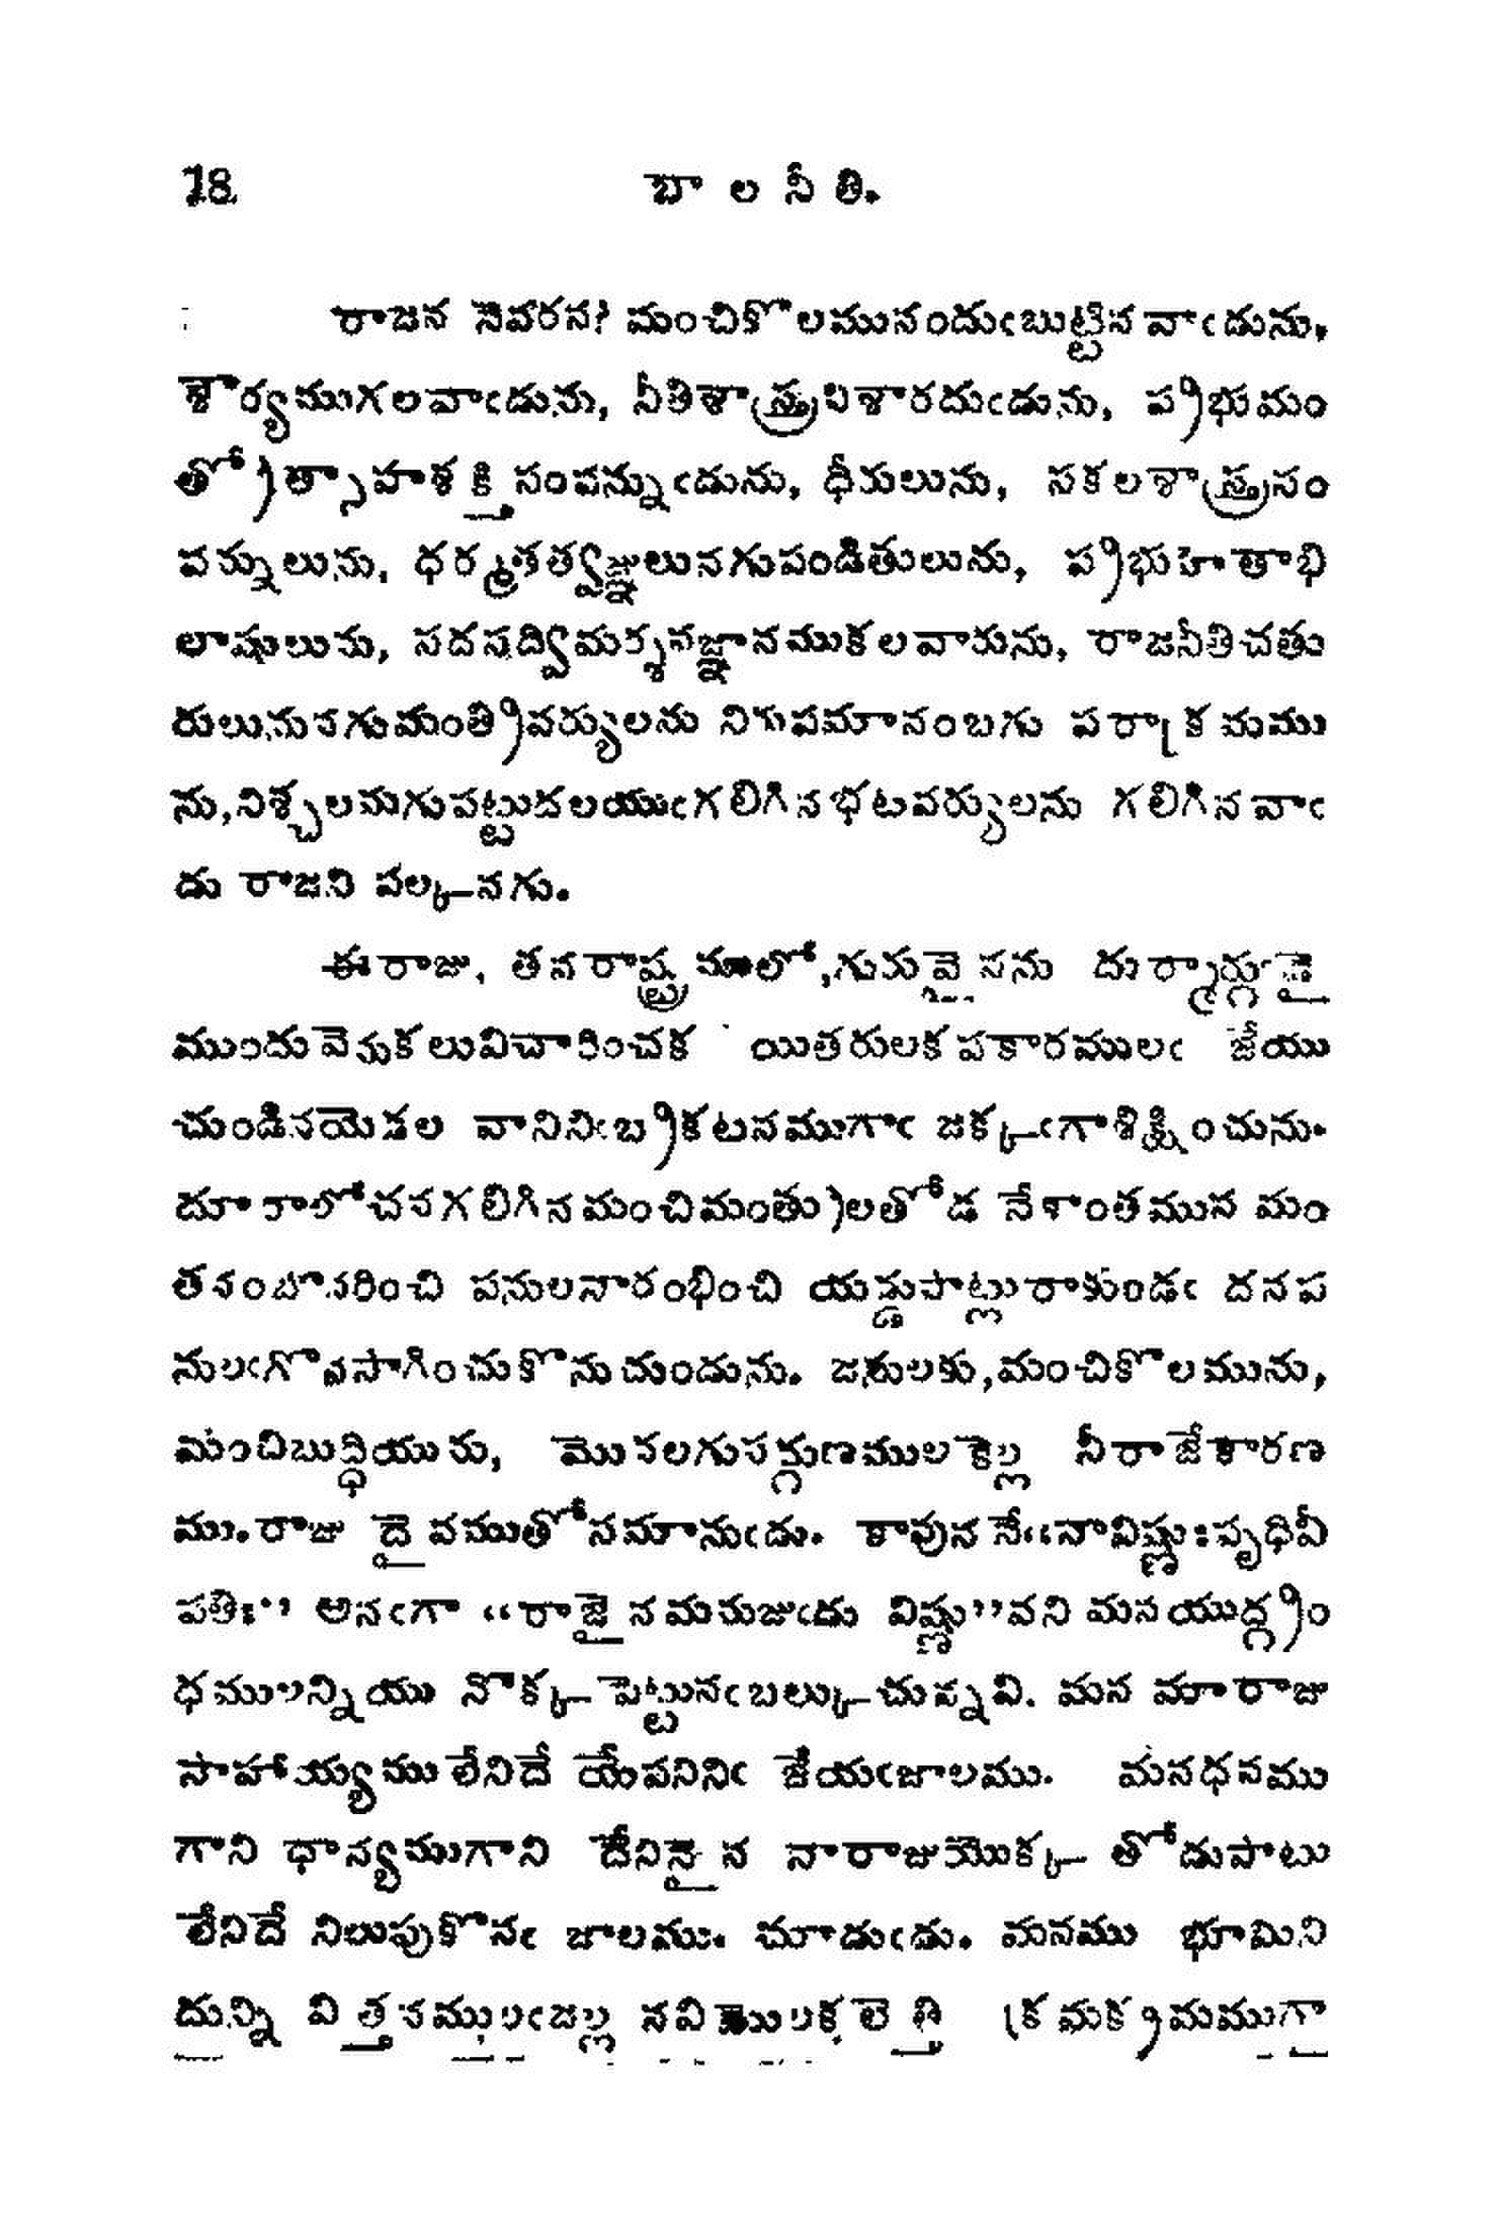రాజన నెవరన? మంచికొలమునందుఁబుట్టిన వాఁడును, 
శౌర్యముగలవాఁడును, నీతిశాస్త్రవిశారదుఁడును, ప్రభుమం
త్రోత్సాహశక్తిసంపన్నుఁడును, ధీరులును, సకలశాస్త్రసం
పన్నులును, ధర్మతత్వజ్ఞులునగుపండితులును, ప్రభుహితాభి
లాషులును, సదసద్విమర్శనజ్ఞానముకలవారును, రాజనీతిచతు
రులునునగుమంత్రివర్యులను నిరుపమానంబగు పరాక్రమము
ను, నిశ్చలమగుపట్టుదలయుఁగలిగిన భటవర్యులను గలిగినవాఁ
డు రాజని పల్కనగు.

ఈరాజు, తనరాష్ట్రములో, గురువైనను దుర్మార్గుఁడై 
ముందువెనుకలువిచారించక యితరులకపకారములఁ జేయు
చుండినయెడల వానినిఁబ్రకటనముగాఁ జక్కఁగాశిక్షించును. 
దూరాలోచనగలిగినమంచిమంత్రులతోడ నేకాంతమున మం
తనంబొనరించి పనులనారంభించి యడ్డుపాట్లురాకుండఁ దనప
నులఁగొనసాగించుకొనుచుండును. జనులకు, మంచికొలమును, 
మంచిబుద్ధియును, మొదలగుసద్గుణములకెల్ల నీరాజేకారణ
ము. రాజు దైవముతోసమానుఁడు. కావుననే "నావిష్ణు:పృధివీ 
పతిః" అనఁగా "రాజైనమనుజుఁడు విష్ణు"వని మనయుద్గ్రం
ధములన్నియు నొక్కపెట్టునఁబల్కుచున్నవి. మన మారాజు 
సాహాయ్యములేనిదే యేపనినిఁ జేయజాలము. మనధనము 
గాని ధాన్యముగాని దేనినైన నారాజుయొక్క తోడుపాటు
లేనిదే నిలుపుకొనఁ జాలము. చూడుఁడు. మనము భూమిని 
దున్ని విత్తనములఁజల్ల నవిమొలకలెత్తి క్రమక్రమముగా